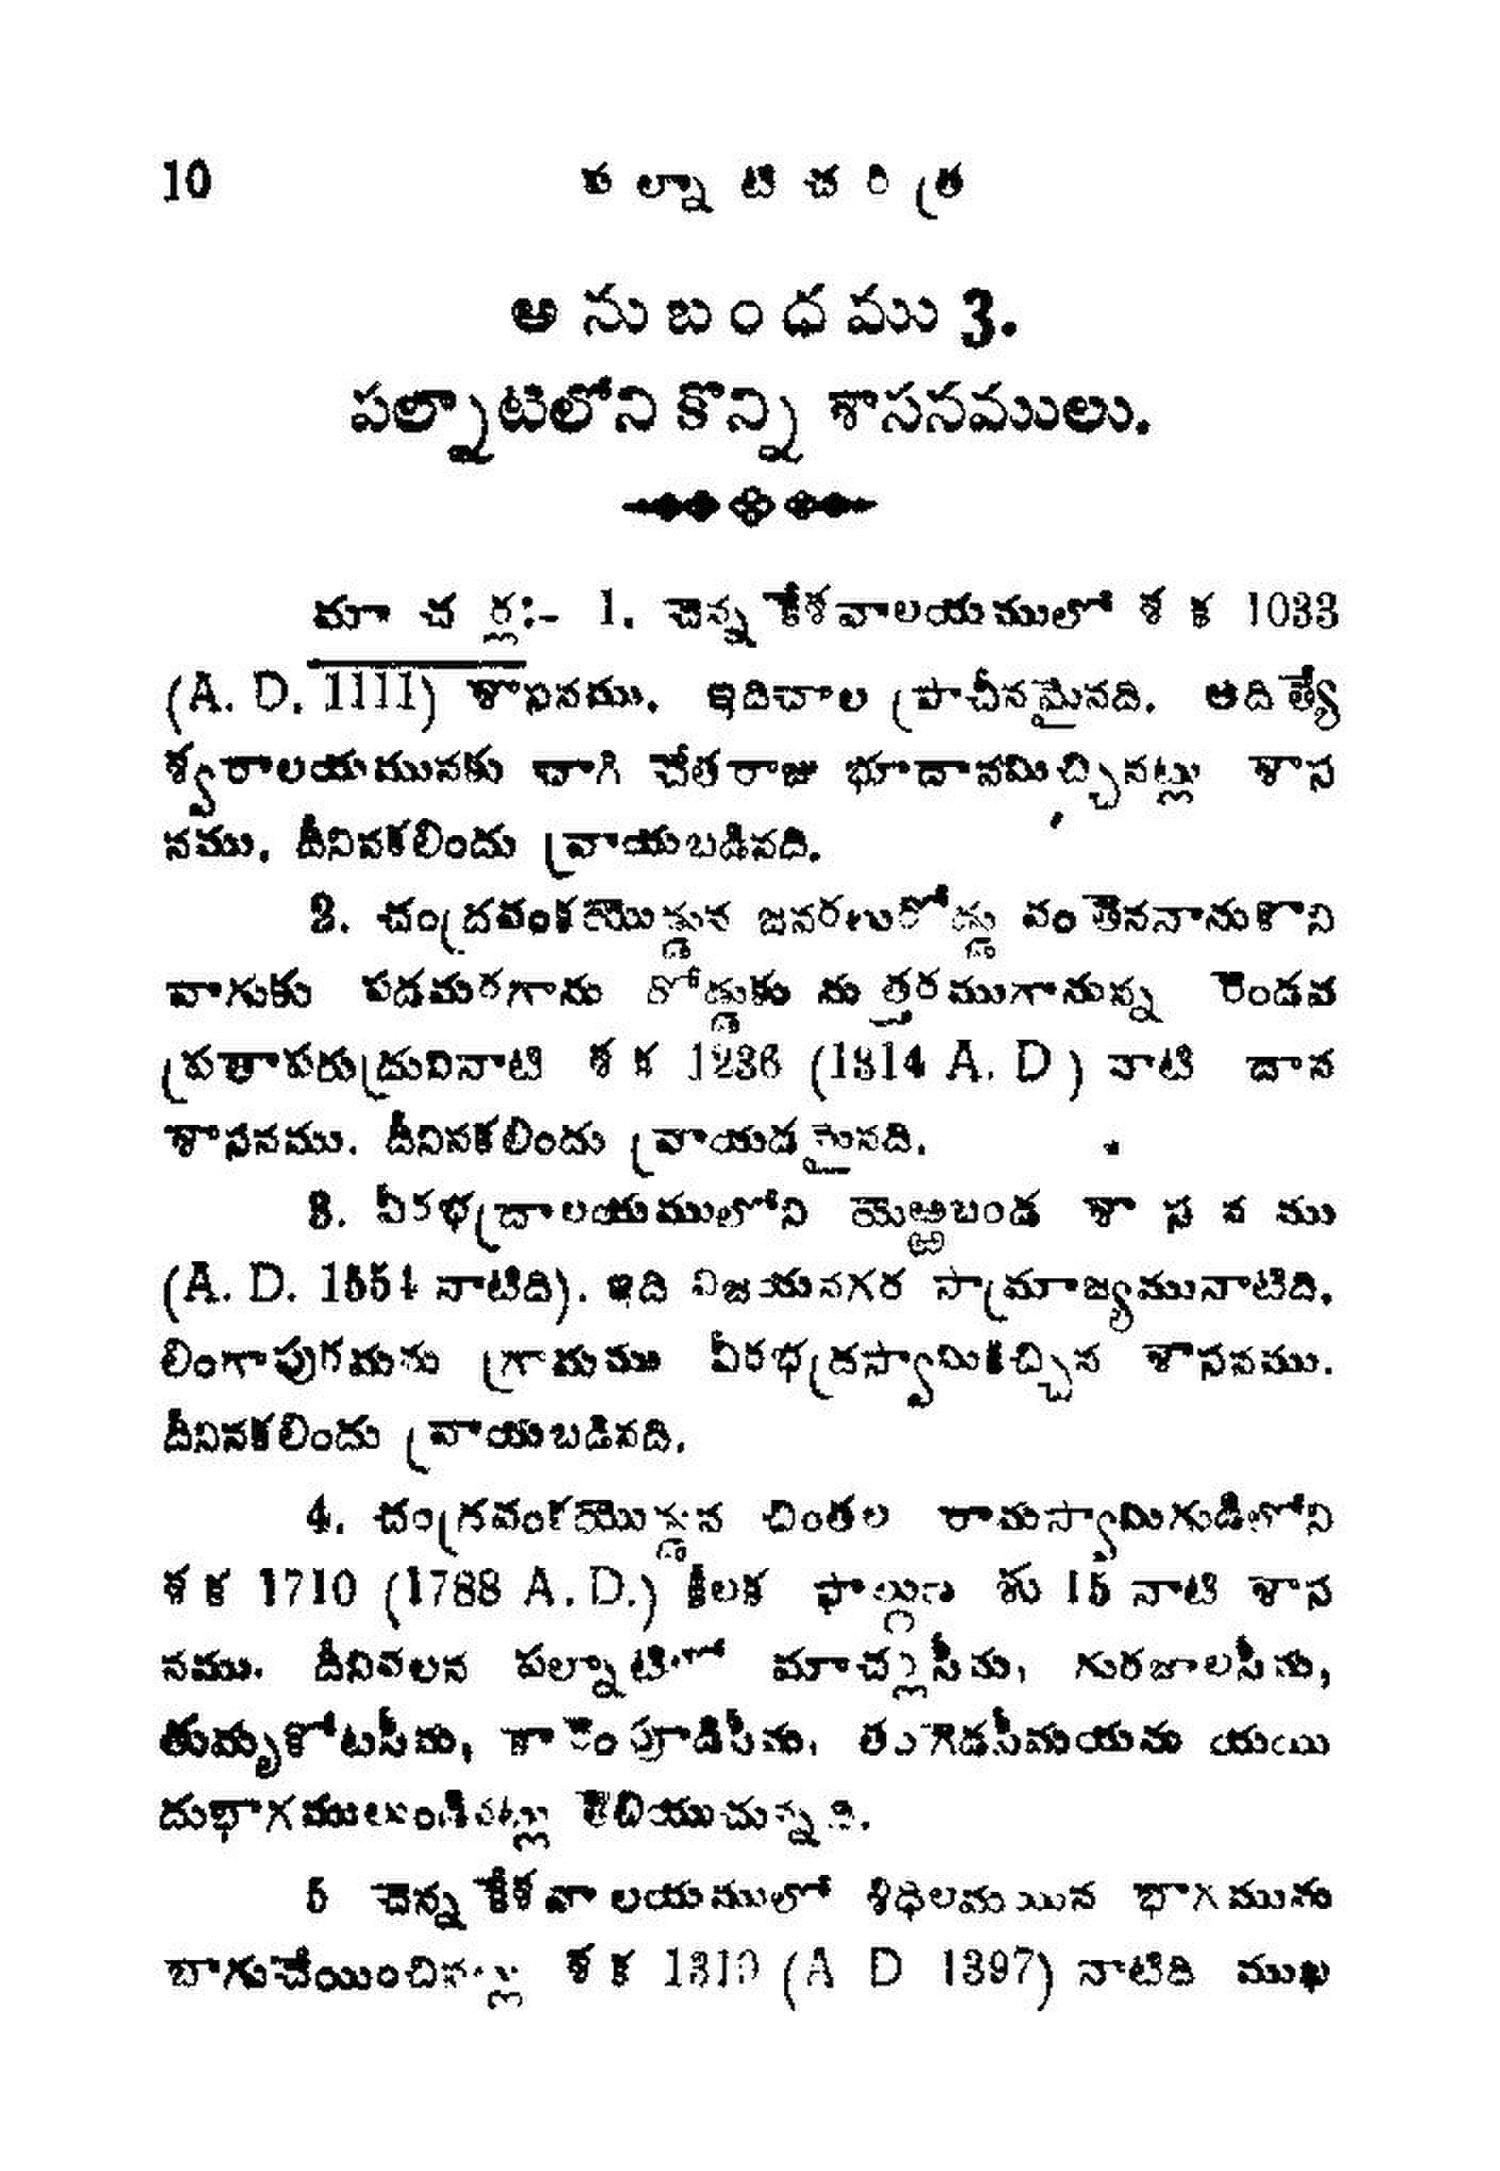మాచర్ల:- 1. చెన్నకేశవాలయములో శ క 1033
(A. D. IIII) శాసనము, ఇదిచాల ప్రాచీనమైనది. ఆదిత్యే
శ్వరాలయమునకు చాగి చేతరాజు భూదానమిచ్చినట్లు శాసనము, 
దీనినకలిందు వ్రాయబడినది.

2. చంద్రవంకయొడ్డున జనరలు రోడ్డు వంతెననానుకొని
వాగుకు పడమరగాను రోడ్డుకు మత్తరముగానున్న రెండవ
ప్రతాపరుద్రువినాటి శక 1236 (1314 A. D) వాటి దాన
శాసనము. దీనినకలిందు వ్రాయడమైనది.

3. వీరభద్రాలయములోని యెఱబండ శాసనము
(Ā. D. 1554 నాటిది). ఇది విజయనగర సామ్రాజ్యమునాటిది,
లింగాపురమను గ్రామము వీరభద్రస్వామికిచ్చిన శాసనము.
దీనినకలిందు వ్రాయబడినది.

4. చంద్రవంకయొడ్డున చింతల రామస్వామి గుడిలోని
శక 1710 (1788 A. D.) కీలక ఫాల్గుణ శు 15 నాటి శాస
నము. దీనివలన పల్నాటిలో మాచర్లసీమ , గురజాలసీమ ,
తుమృకోటసీమ, కారెంపూడిసీమ , తంగెడసీమయను యయిదు
భాగములుండినట్లు తెలియుచున్నది 

5. చెన్న కేశవాలయములో శిధిలమయిన భాగమును
బాగుచేయించినట్లు శ.క 1310 (AD 1397) నాటిది ముఖ